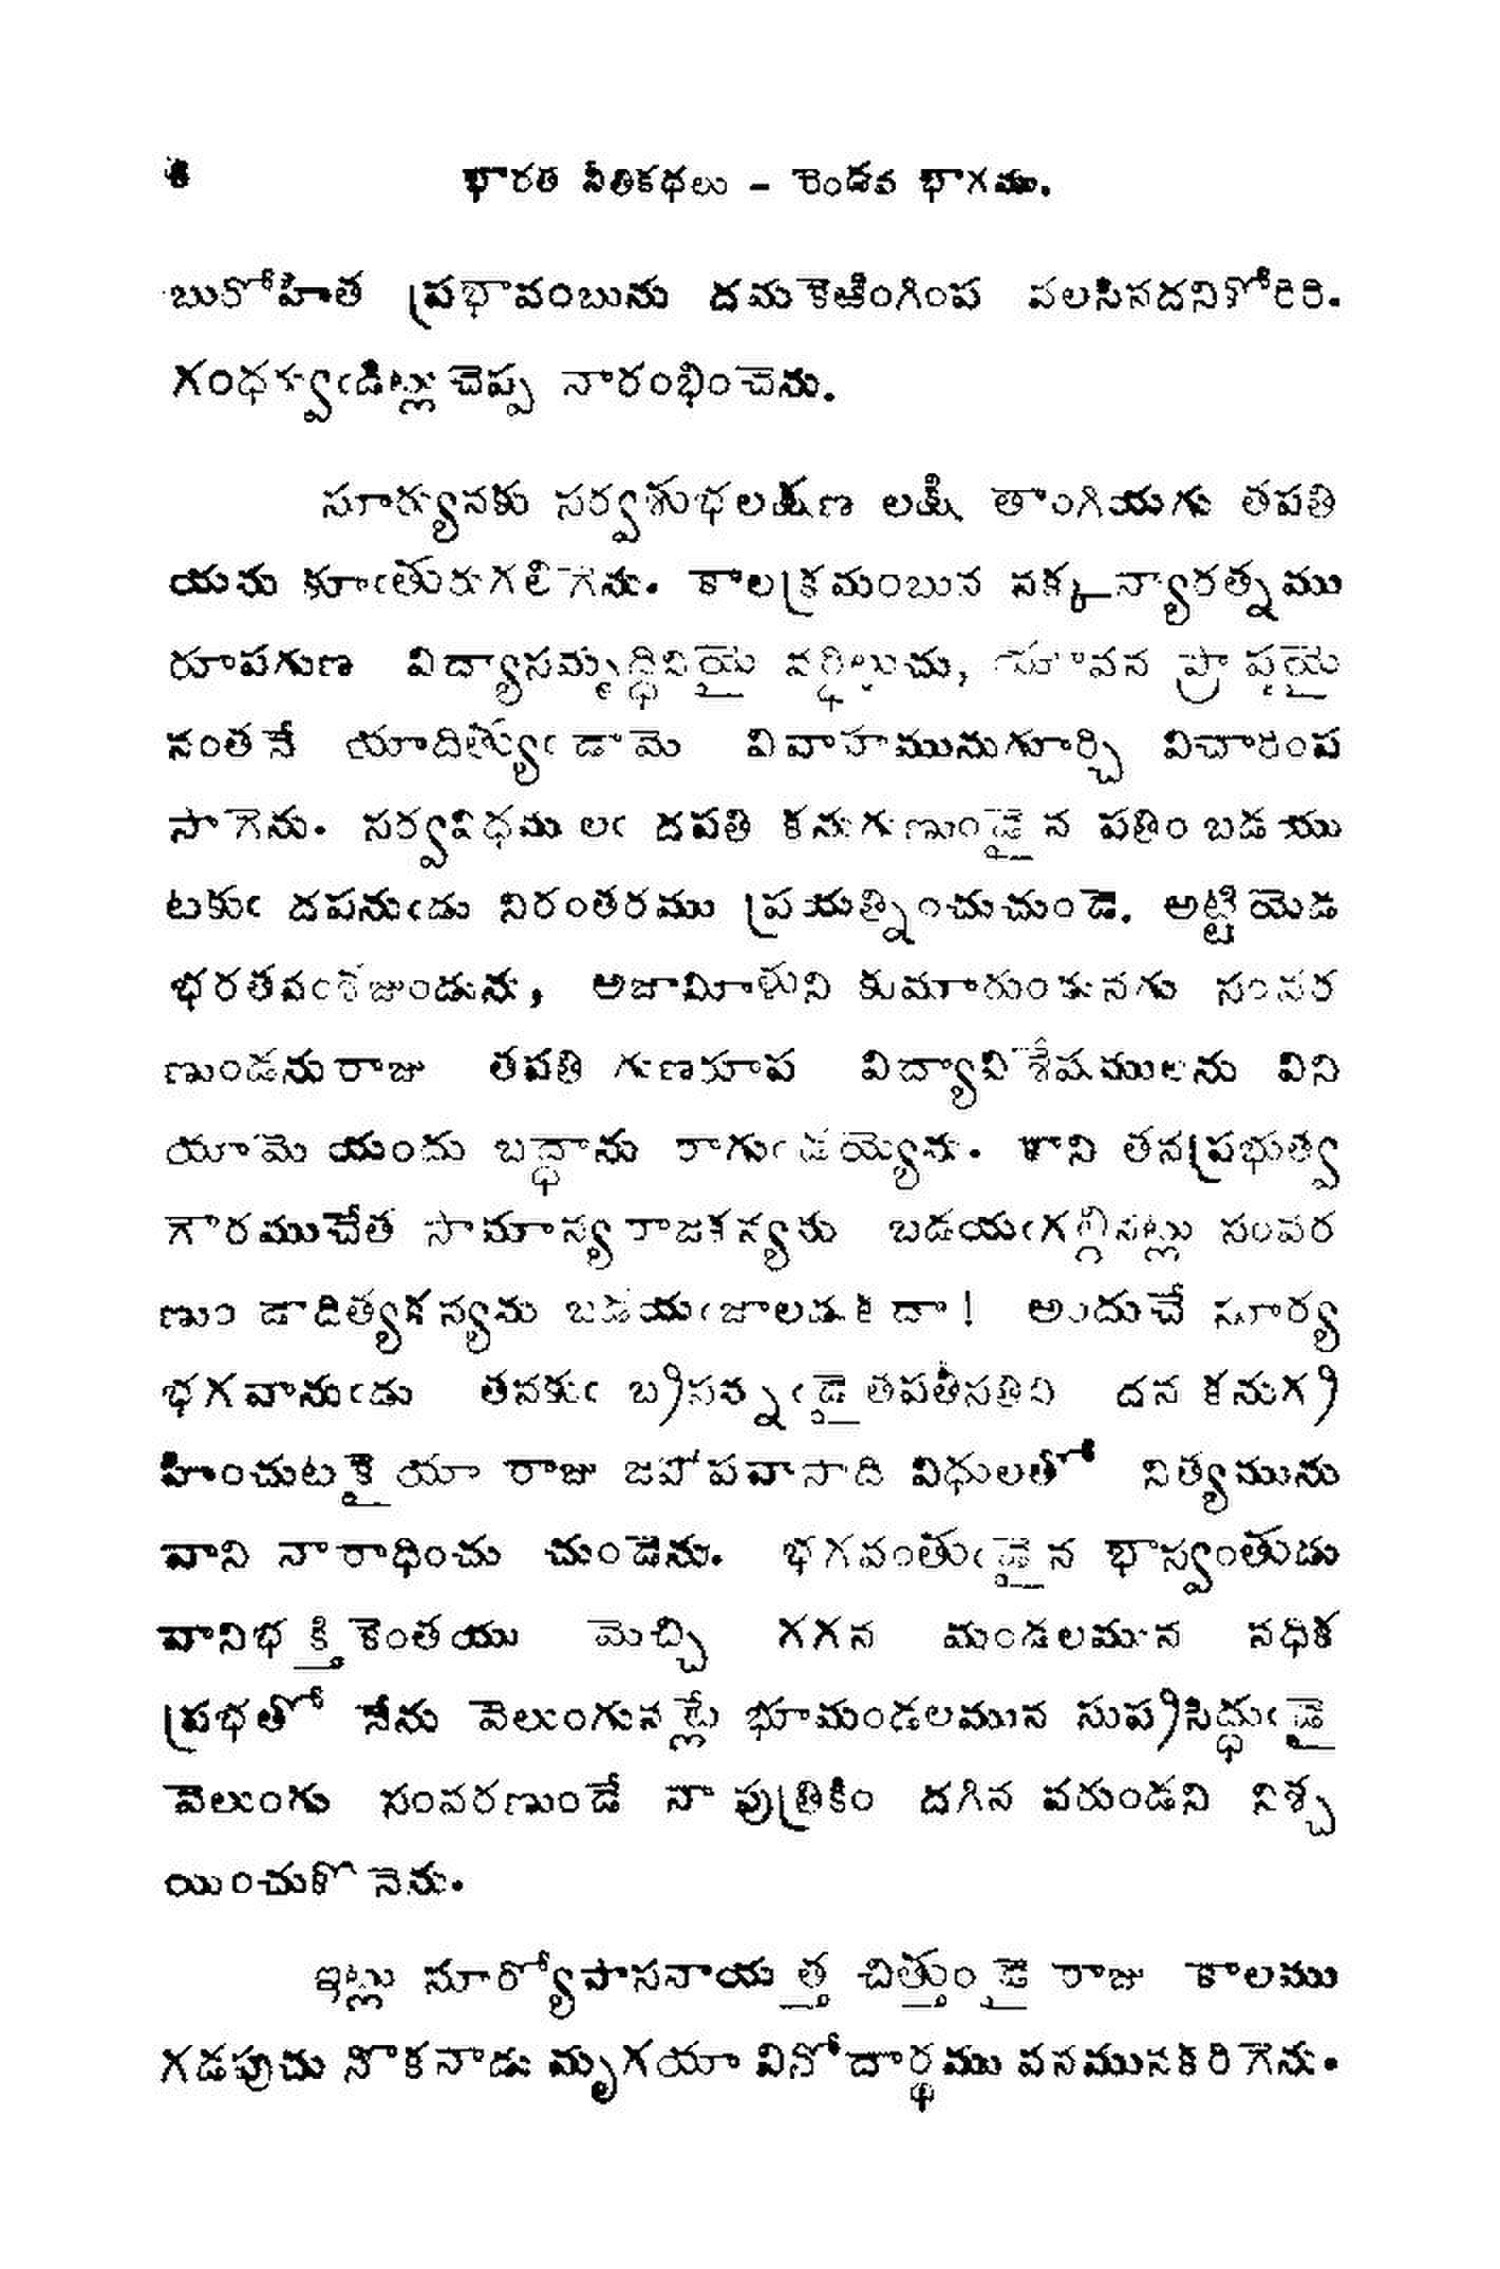బురోహిత ప్రభావంబును దమకెఱింగింప వలసినదనికోరిరి. గంధర్వుఁడిట్లుచెప్ప నారంభించెను.

సూర్యునకు సర్వశుభలక్షణ లక్ష్మి తాంగియగు తపతి యను కూఁతురు గలిగెను. కాలక్రమంబున నక్కన్యారత్నము రూపగుణ విద్యాసమృద్ధినియై వర్ధిలుచు, యౌవన ప్రాపయై నంతనే యాదిత్యుఁ డామె వివాహమునుగూర్చి విచారంప సాగెను. సర్వవిధములఁ దపతి కనుగుణుండైన పతిం బడయుటకుఁ దపనుఁడు నిరంతరము ప్రయత్నించుచుండె, అట్టియెడ భరతవంశజుండును , అజామీళుని కుమారుండునగు సంవరణుండనురాజు తపతి గుణరూప విద్యావిశేషములను విని యామె యందు బద్ధాను రాగుఁడయ్యెను. కాని తనప్రభుత్వ గౌరముచేత సామాన్యరాజకన్యను బడయఁగల్గినట్లు సంవరణుం డాదిత్యకన్యను బడయఁజాలడుక దా! అందుచే సూర్య భగవానుఁడు తనకుఁ బ్రసన్న డై తపతీసతిని దన కనుగ్రహించుటకైయా రాజు జపోపవాసాది విధులతో నిత్యమును వాని నారాధించు చుండెను. భగవంతుఁడైన భాస్వంతుడు వానిభక్తి కెంతయు మెచ్చి గగన మండలమున నధిక ప్రభతో నేను వెలుంగునట్లే భూమండలమున సుప్రసిద్ధుఁడై వెలుంగు సంవరణుండే నా పుత్రికిం దగిన వరుండని నిశ్చయించుకొనెను.

ఇట్లు సూర్యోపాసనాయత్త చిత్తుండై రాజు కాలము గడపుచు నొకనాడు మృగయా వినోదార్థము వనమునకరిగెను.